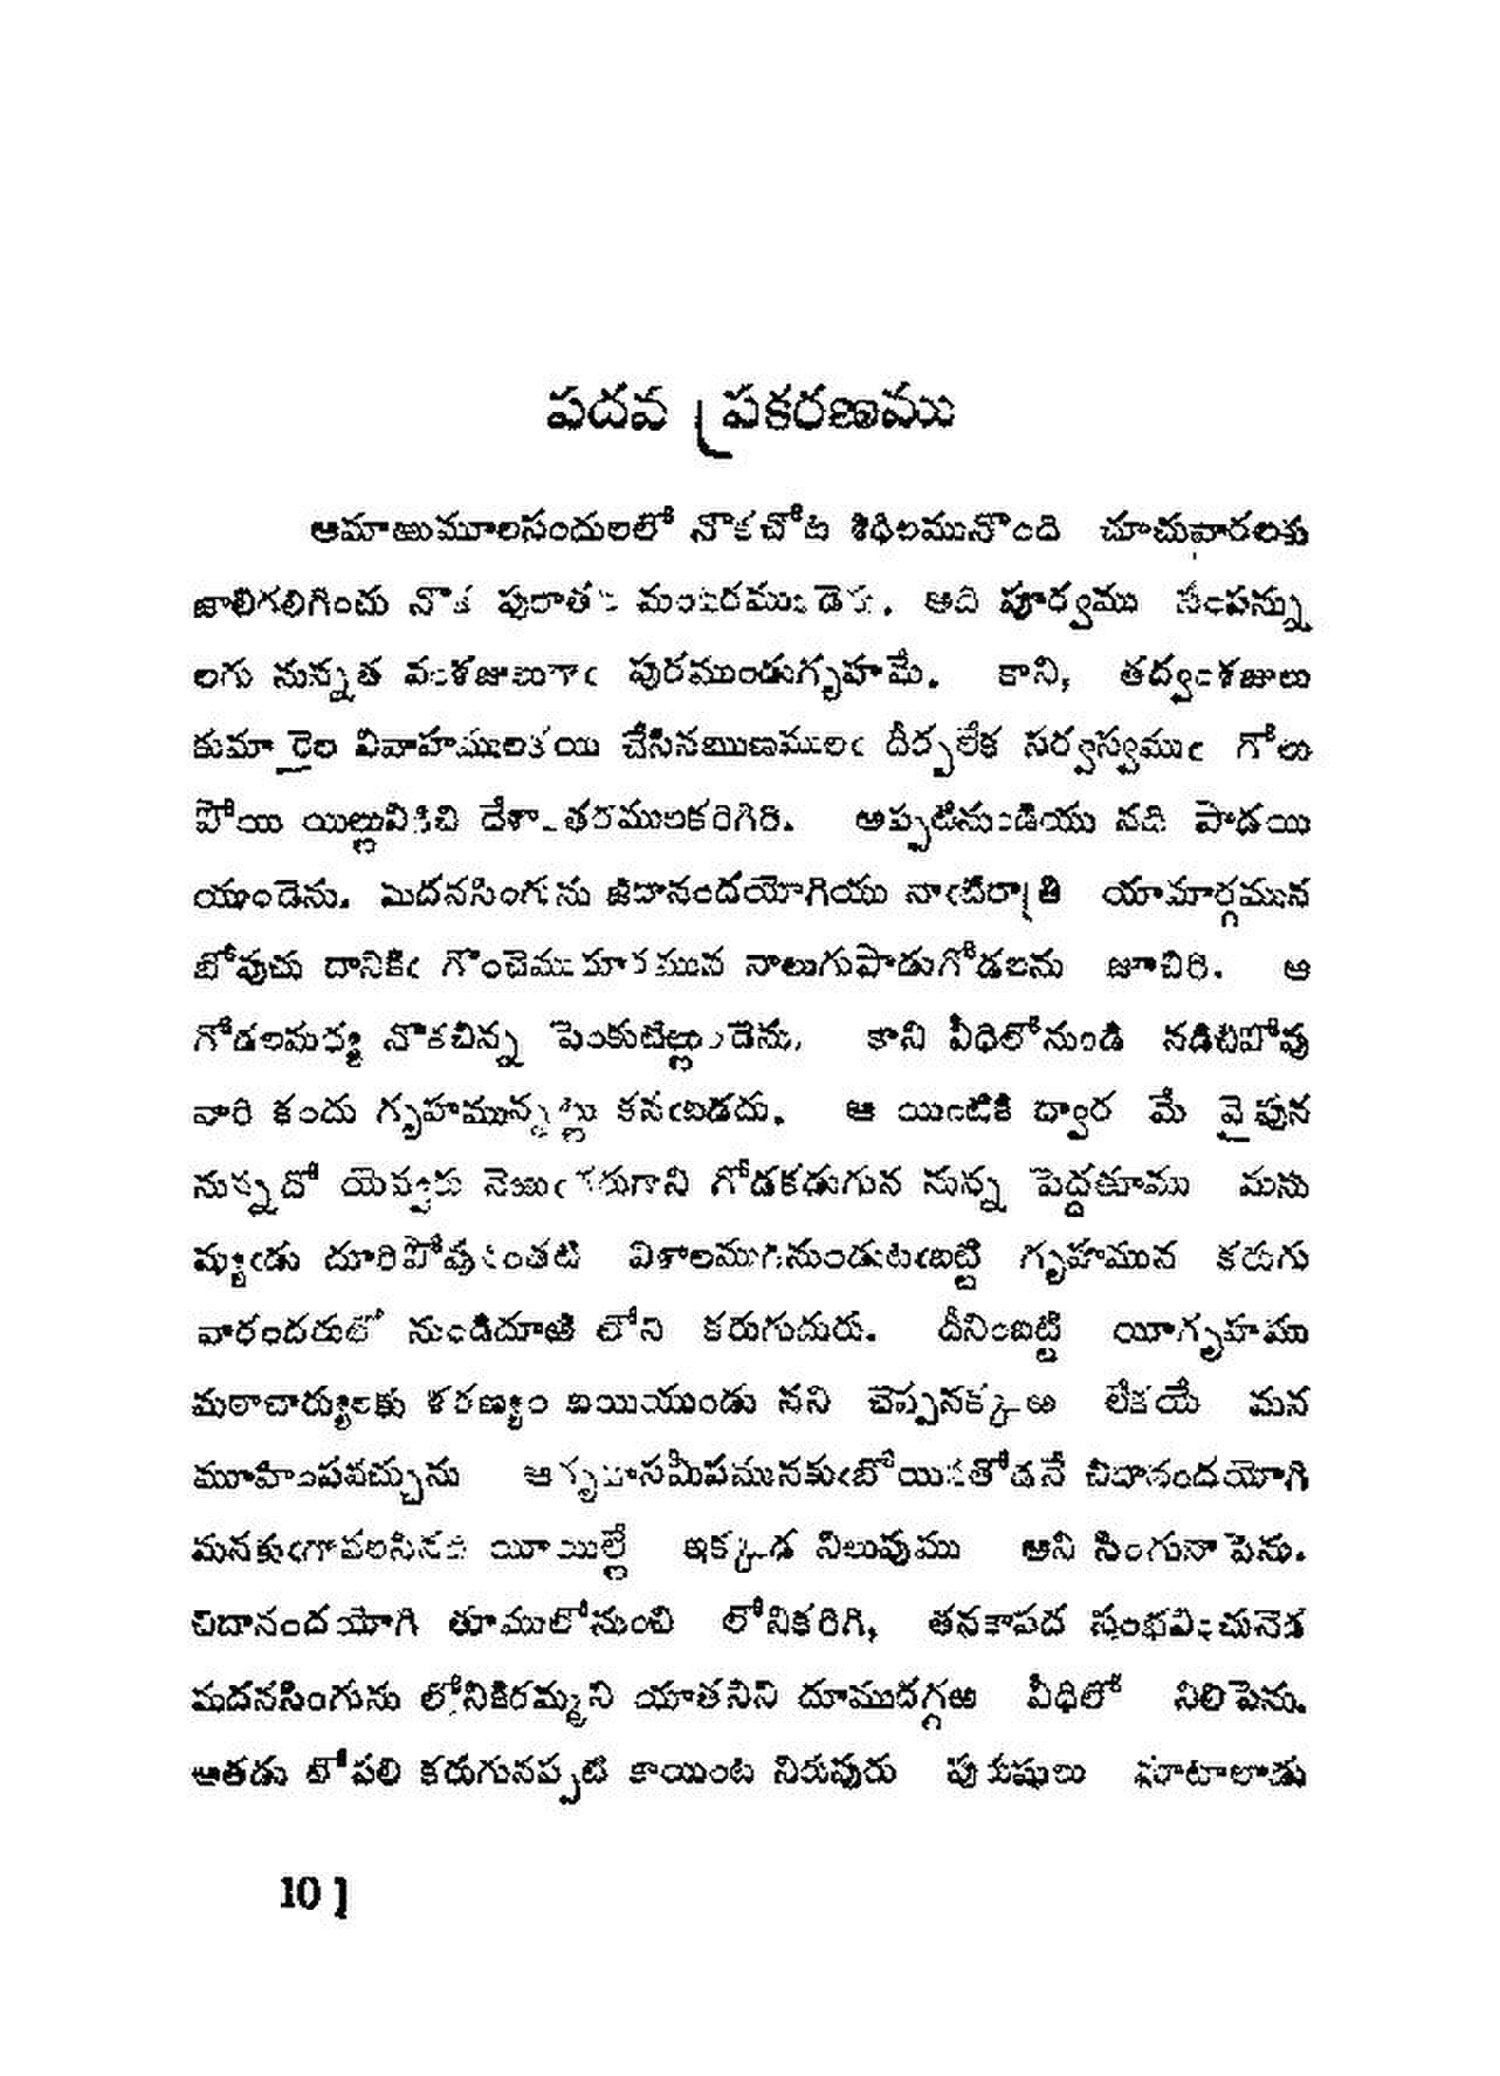ఆమాఱుమూలసందులో నొకచొట శిథిలమునొంది చూచువారలకు జాలిగలిగించు నొక పురాతన మందిర ముండెను. అది పూర్వము సంపన్నులగు నున్నత వంశజులుగాఁపురముండు గృహమే. కాని, తద్వంశజులు కుమార్తెల వివాహములకయి చేసినఋణముల దీర్పలేక సర్వస్వముఁ గోలుపోయి యిల్లువిడిచి దేశాంతరములకరిగిరి. అప్పటినుండియు నది పాడయి యుండెను. మదనసింగును జిదానందయోగియు నాఁటి రాత్రి యామార్గమున బోవుచు దానికిఁ గొంచెము దూరమున నాలుగుపాడుగోడలను జూచిరి. ఆ గోడలమధ్య నొకచిన్న పెంకుటిల్లుండెను. కాని వీధిలో నుండి నడిచిపోవు వారి కందు గృహమున్నట్లు కనఁబడదు. ఆ యింటి ద్వార మే వైపున నున్నదో యెవ్వరు నెఱుఁగరుగాని గోడకడుగున నున్న పెద్దతూము మనుష్యుడు దూరిపోవునంతటి విశాలముగ నుండుటఁబట్టి గృహమున కరుగు వారందులో నుండిదూఱి లోని కరుగుదురు. దీనింబట్టి యీగృహము మఠాచార్యులకు శరణ్యం బయియుండు నని చెప్పనక్కఱ లేకయే మనమూహింపవచ్చును. ఆగృహసమీపమునకుఁబోయినతోడనే చిదానందయోగి మనకుఁగావలసినది యీయిల్లే ఇక్కడ నిలువుము అని సింగునాపెను. చిదానందయోగి తూములోనుంచి లోనికరిగి, తనకాపద సంభవించు నెడ మదనసింగును లోనికిరమ్మని యాతనిని దూము దగ్గఱ వీధిలో నిలిపెను. అతడు లోపలి కరుగునప్పటి కాయింట నిరువురు పురుషులు మాటలాడు